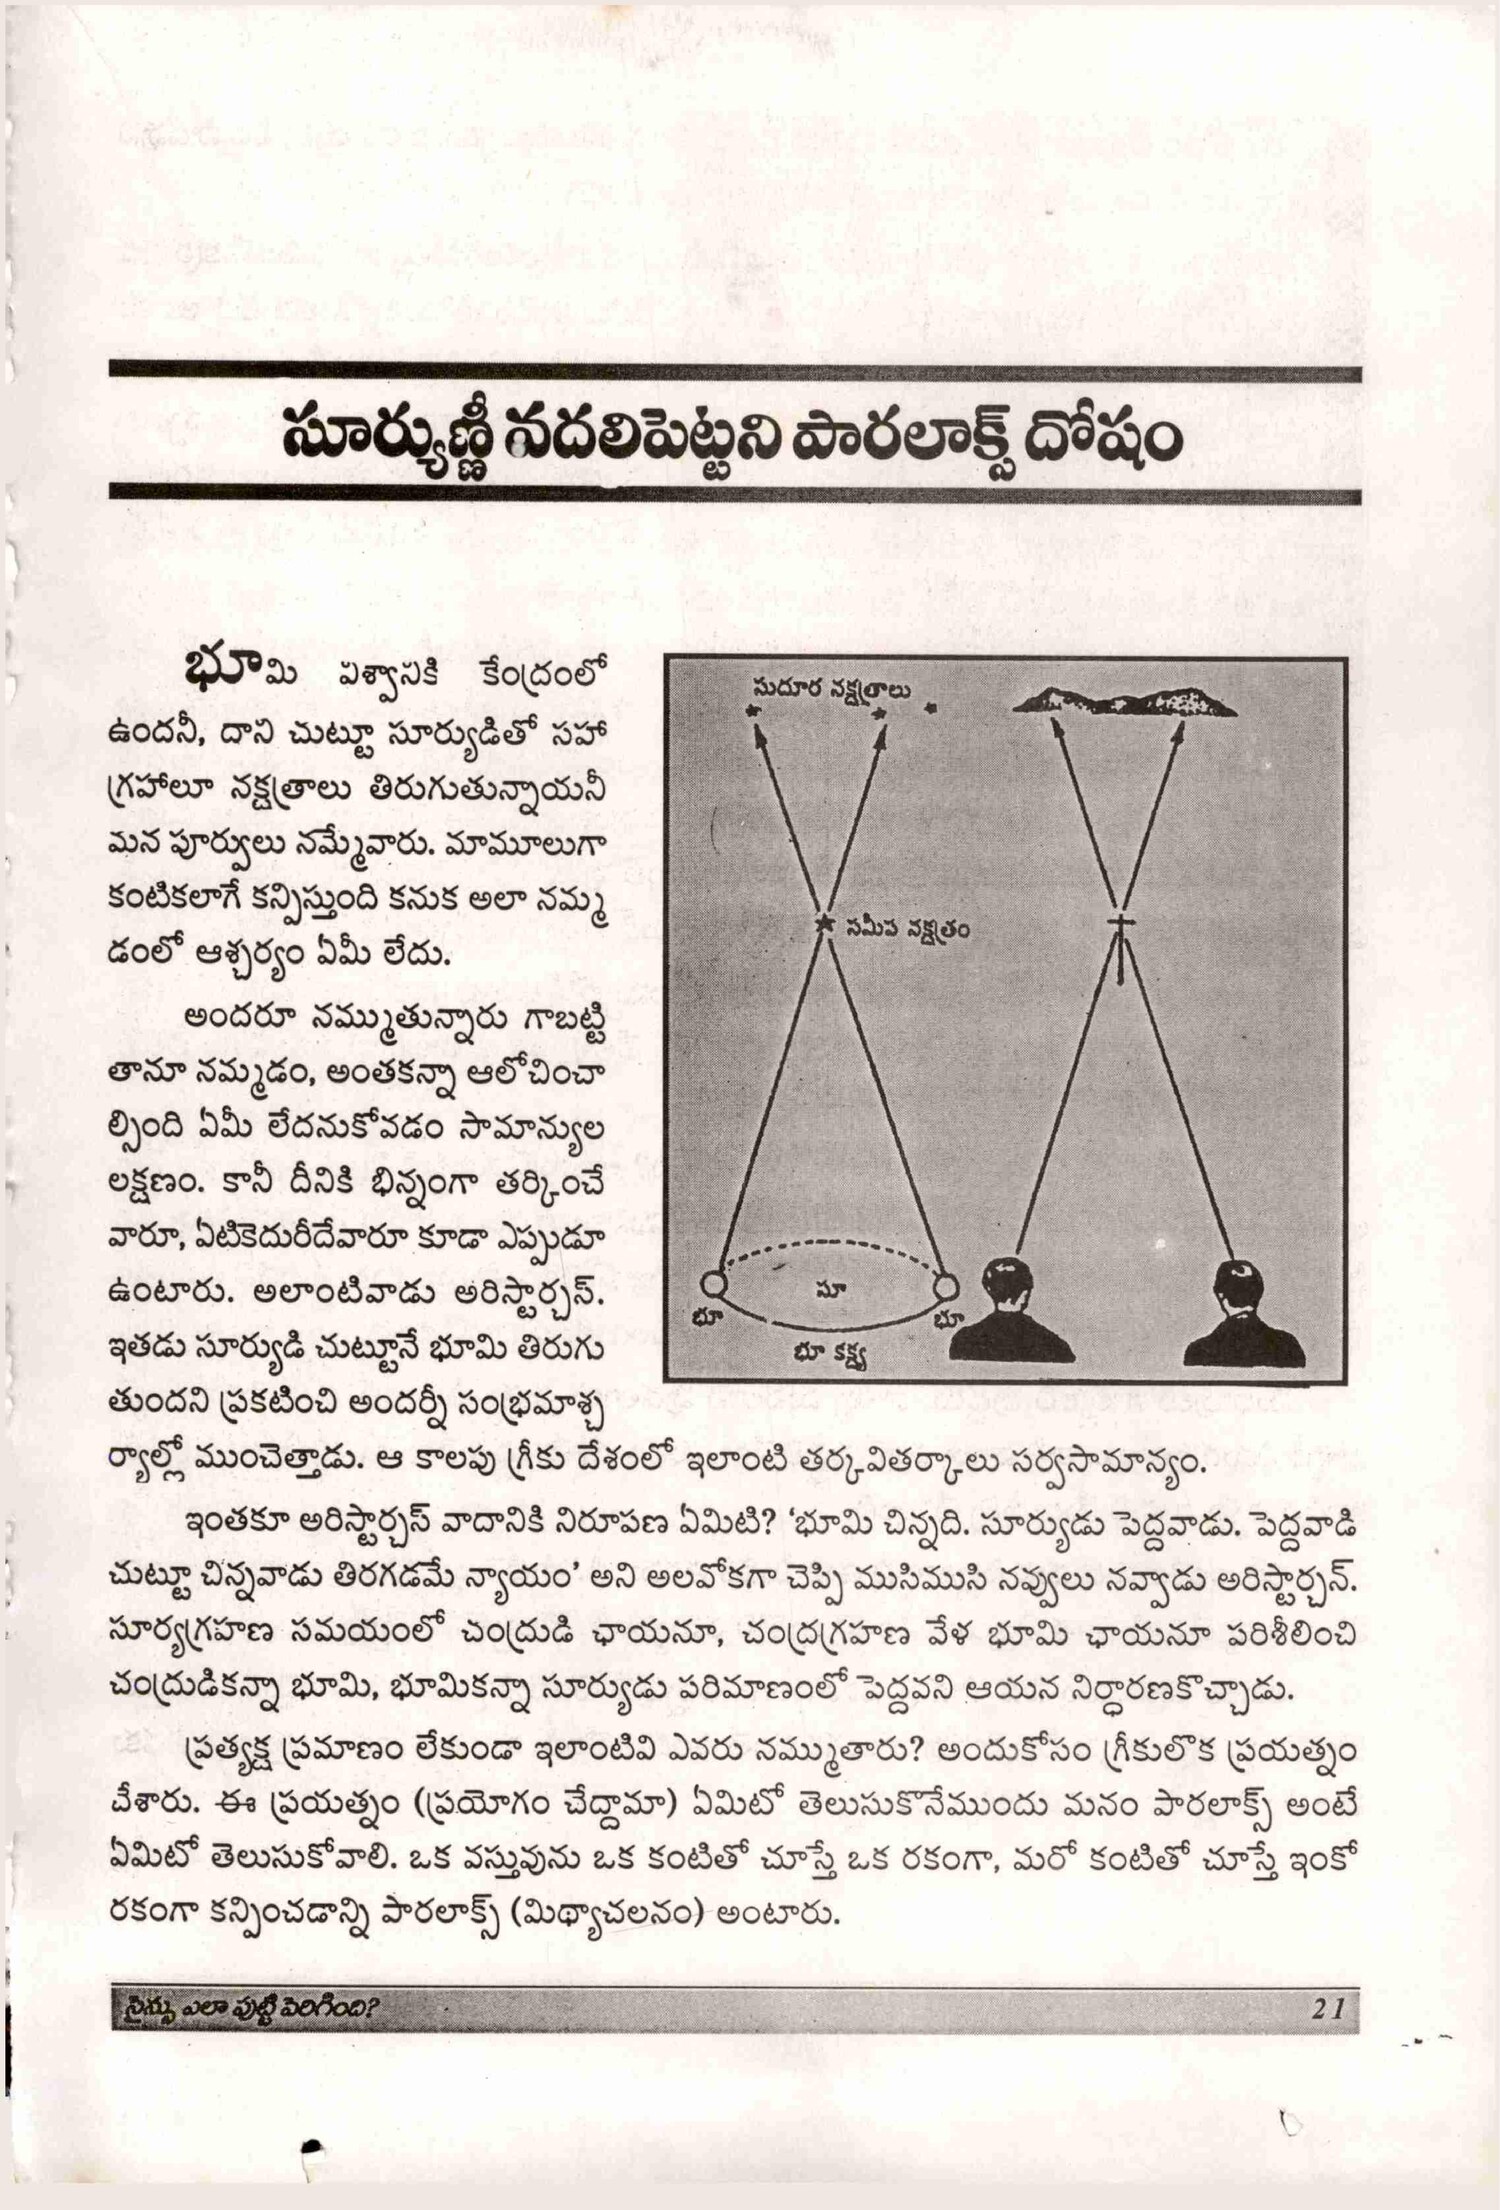సూర్యుణ్ణీ వదలిపెట్టని పారలాక్స్ దోషం

భూమి విశ్వానికి కేంద్రంలో ఉందనీ, దాని చుట్టూ సూర్యుడితో సహా గ్రహాలూ నక్షత్రాలు తిరుగుతున్నాయనీ మన పూర్వులు నమ్మేవారు. మామూలుగా కంటికలాగే కన్పిస్తుంది కనుక అలా నమ్మడంలో ఆశ్చర్యం ఏమీ లేదు.

అందరూ నమ్ముతున్నారు గాబట్టి తానూ నమ్మడం, అంతకన్నా ఆలోచించాల్సింది ఏమీ లేదనుకోవడం సామాన్యుల
లక్షణం. కానీ దీనికి భిన్నంగా తర్కించే వారూ, ఏటికెదురీదేవారూ కూడా ఎప్పుడూ ఉంటారు. అలాంటివాడు అరిస్టార్చస్. ఇతడు సూర్యుడి చుట్టూనే భూమి తిరుగుతుందని ప్రకటించి అందర్నీ సంభ్రమాశ్చర్యాల్లో ముంచెత్తాడు. ఆ కాలపు గ్రీకు దేశంలో ఇలాంటి తర్కవితర్కాలు సర్వసామాన్యం.

ఇంతకూ అరిస్టార్చస్ వాదానికి నిరూపణ ఏమిటి? 'భూమి చిన్నది. సూర్యుడు పెద్దవాడు. పెద్దవాడి చుట్టూ చిన్నవాడు తిరగడమే న్యాయం' అని అలవోకగా చెప్పి ముసిముసి నవ్వులు నవ్వాడు అరిస్టార్చస్. సూర్యగ్రహణ సమయంలో చంద్రుడి ఛాయనూ, చంద్రగ్రహణ వేళ భూమి ఛాయనూ పరిశీలించి చంద్రుడికన్నా భూమి, భూమికన్నా సూర్యుడు పరిమాణంలో పెద్దవని ఆయన నిర్ధారణకొచ్చాడు.

ప్రత్యక్ష ప్రమాణం లేకుండా ఇలాంటివి ఎవరు నమ్ముతారు? అందుకోసం గ్రీకులొక ప్రయత్నం చేశారు. ఈ ప్రయత్నం (ప్రయోగం చేద్దామా) ఏమిటో తెలుసుకొనేముందు మనం పారలాక్స్ అంటే ఏమిటో తెలుసుకోవాలి. ఒక వస్తువును ఒక కంటితో చూస్తే ఒక రకంగా, మరో కంటితో చూస్తే ఇంకో రకంగా కన్పించడాన్ని పారలాక్స్ (మిథ్యాచలనం) అంటారు.